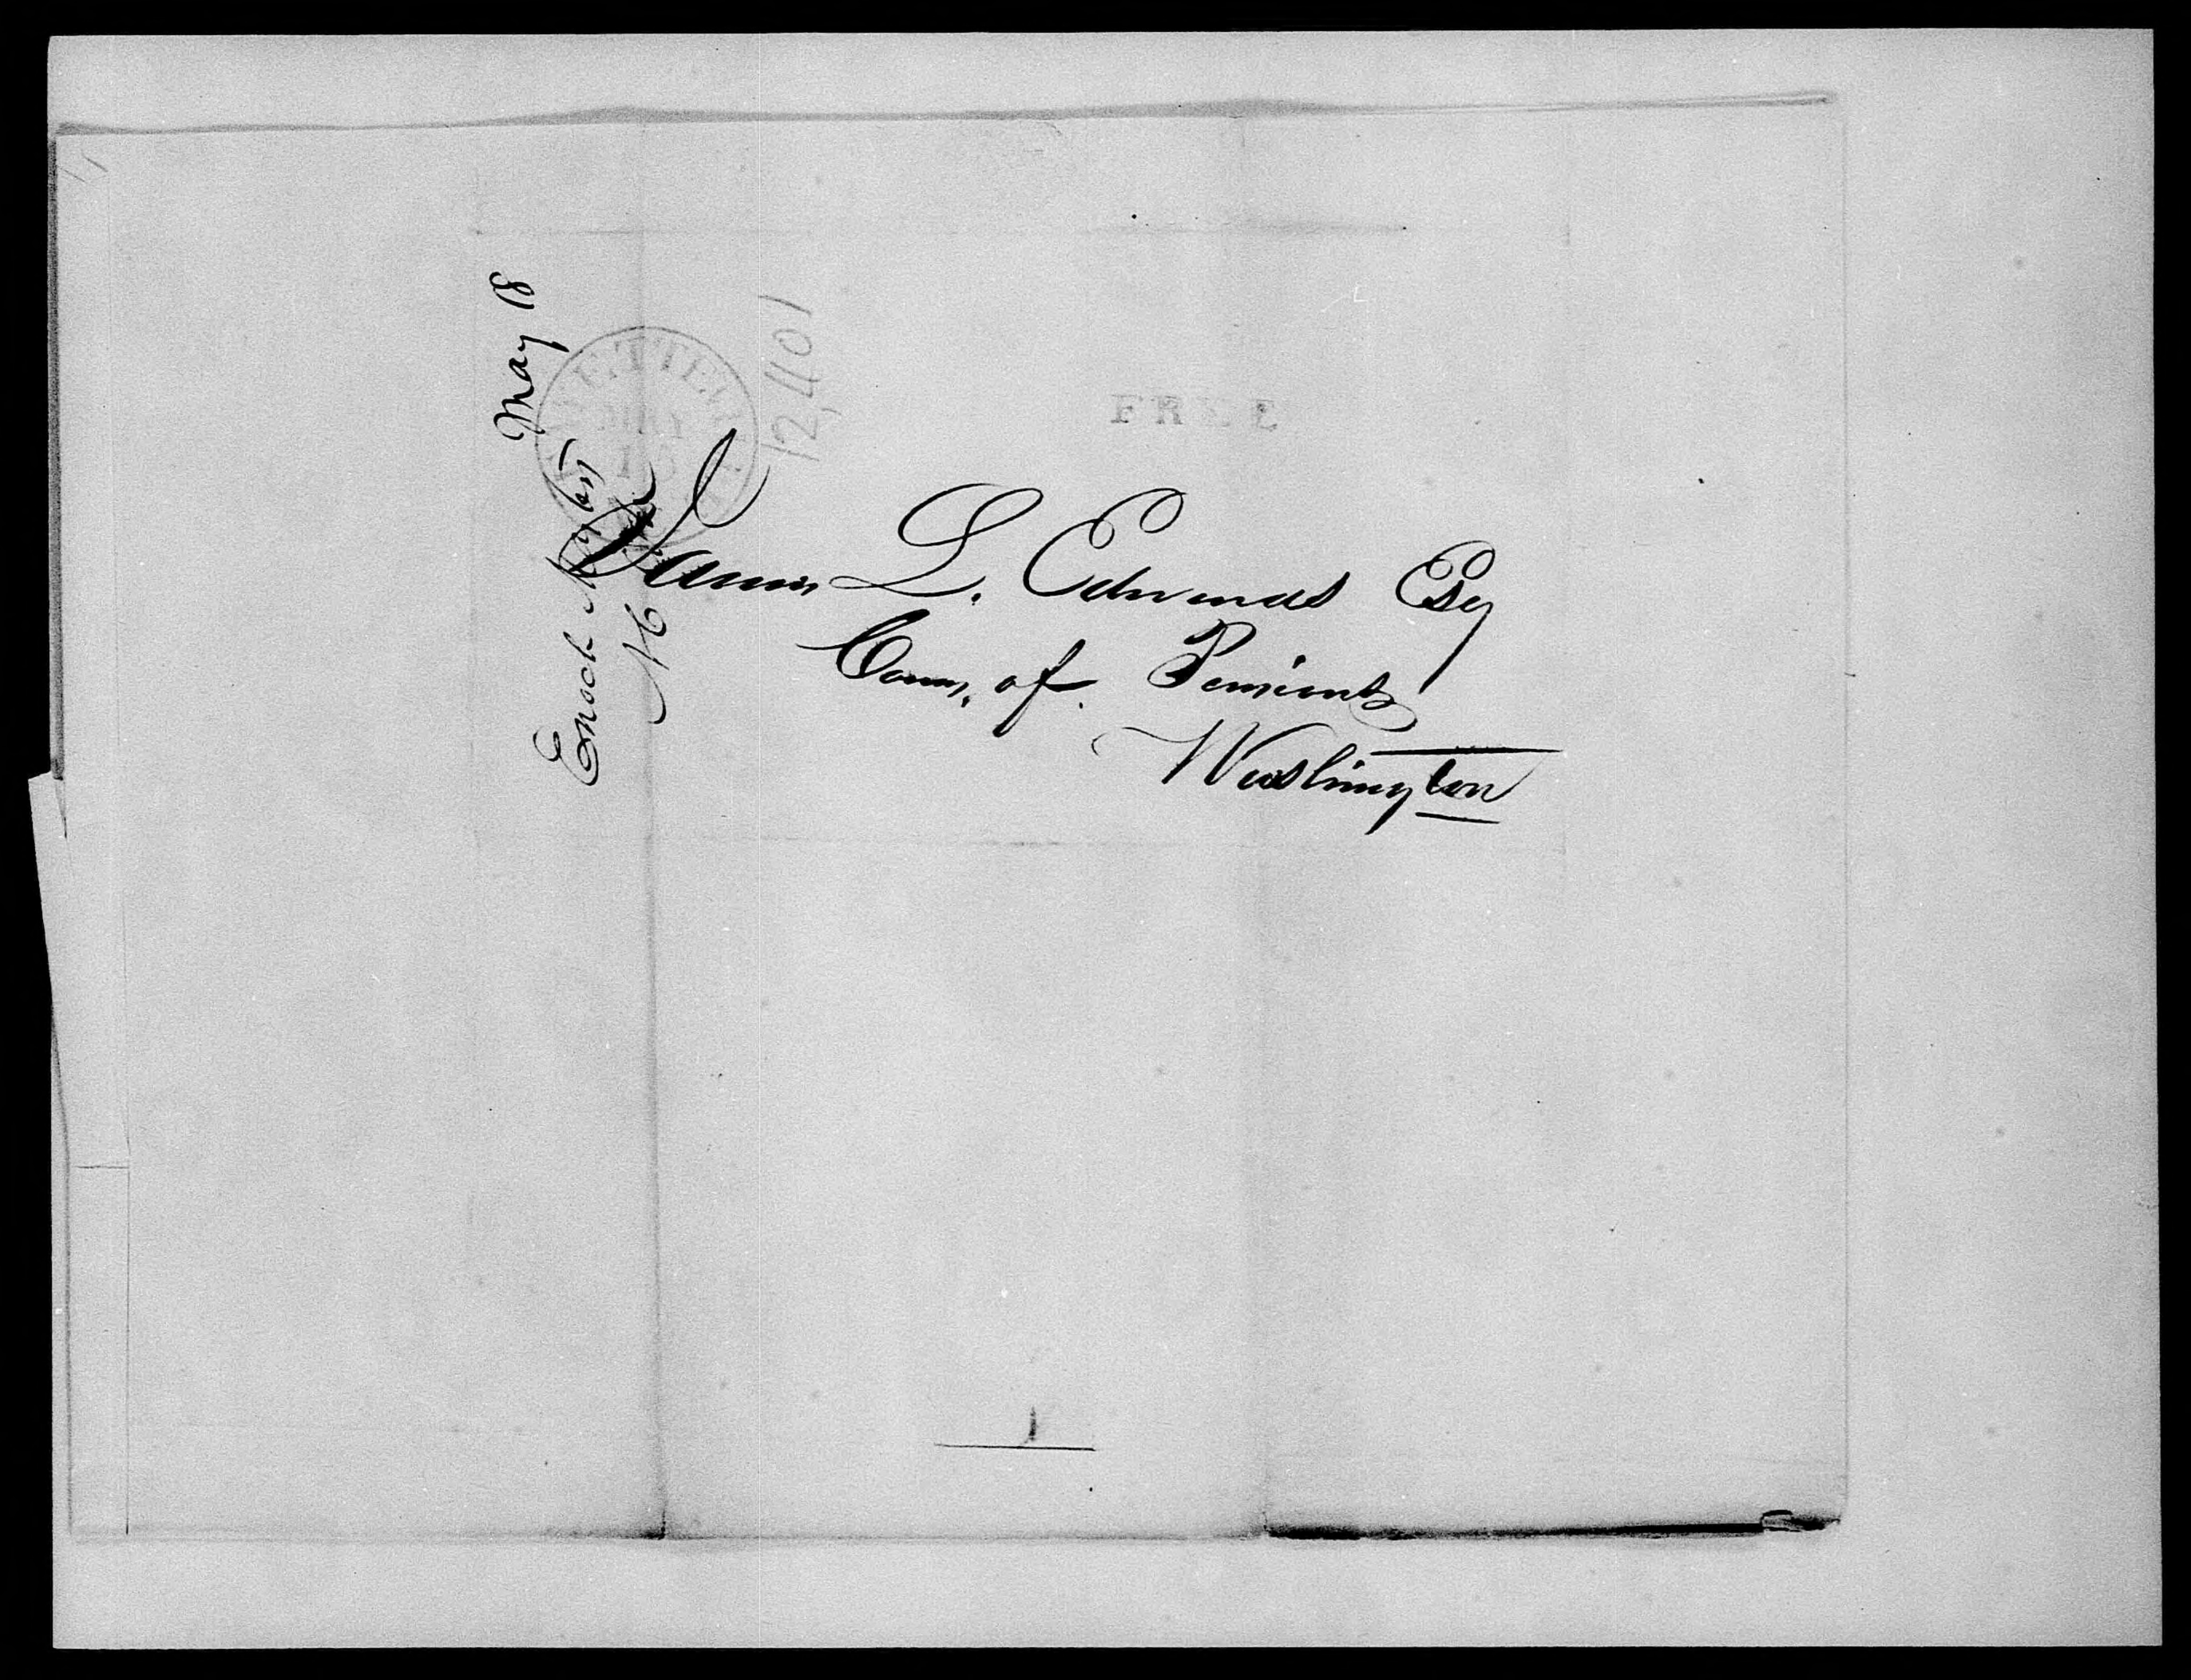[Stamp at the top reads FREE]

James L. Edward Esq
Comm of Pensions
Washington

[written in left margin]
Enoch Masters
May 18
NC 

[stamp reads] Fayetteville May 15

12,401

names: James L Edwards; Enoch Masters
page: 12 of 15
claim: survivor's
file: S. 2749, for Enoch Masters, North Carolina